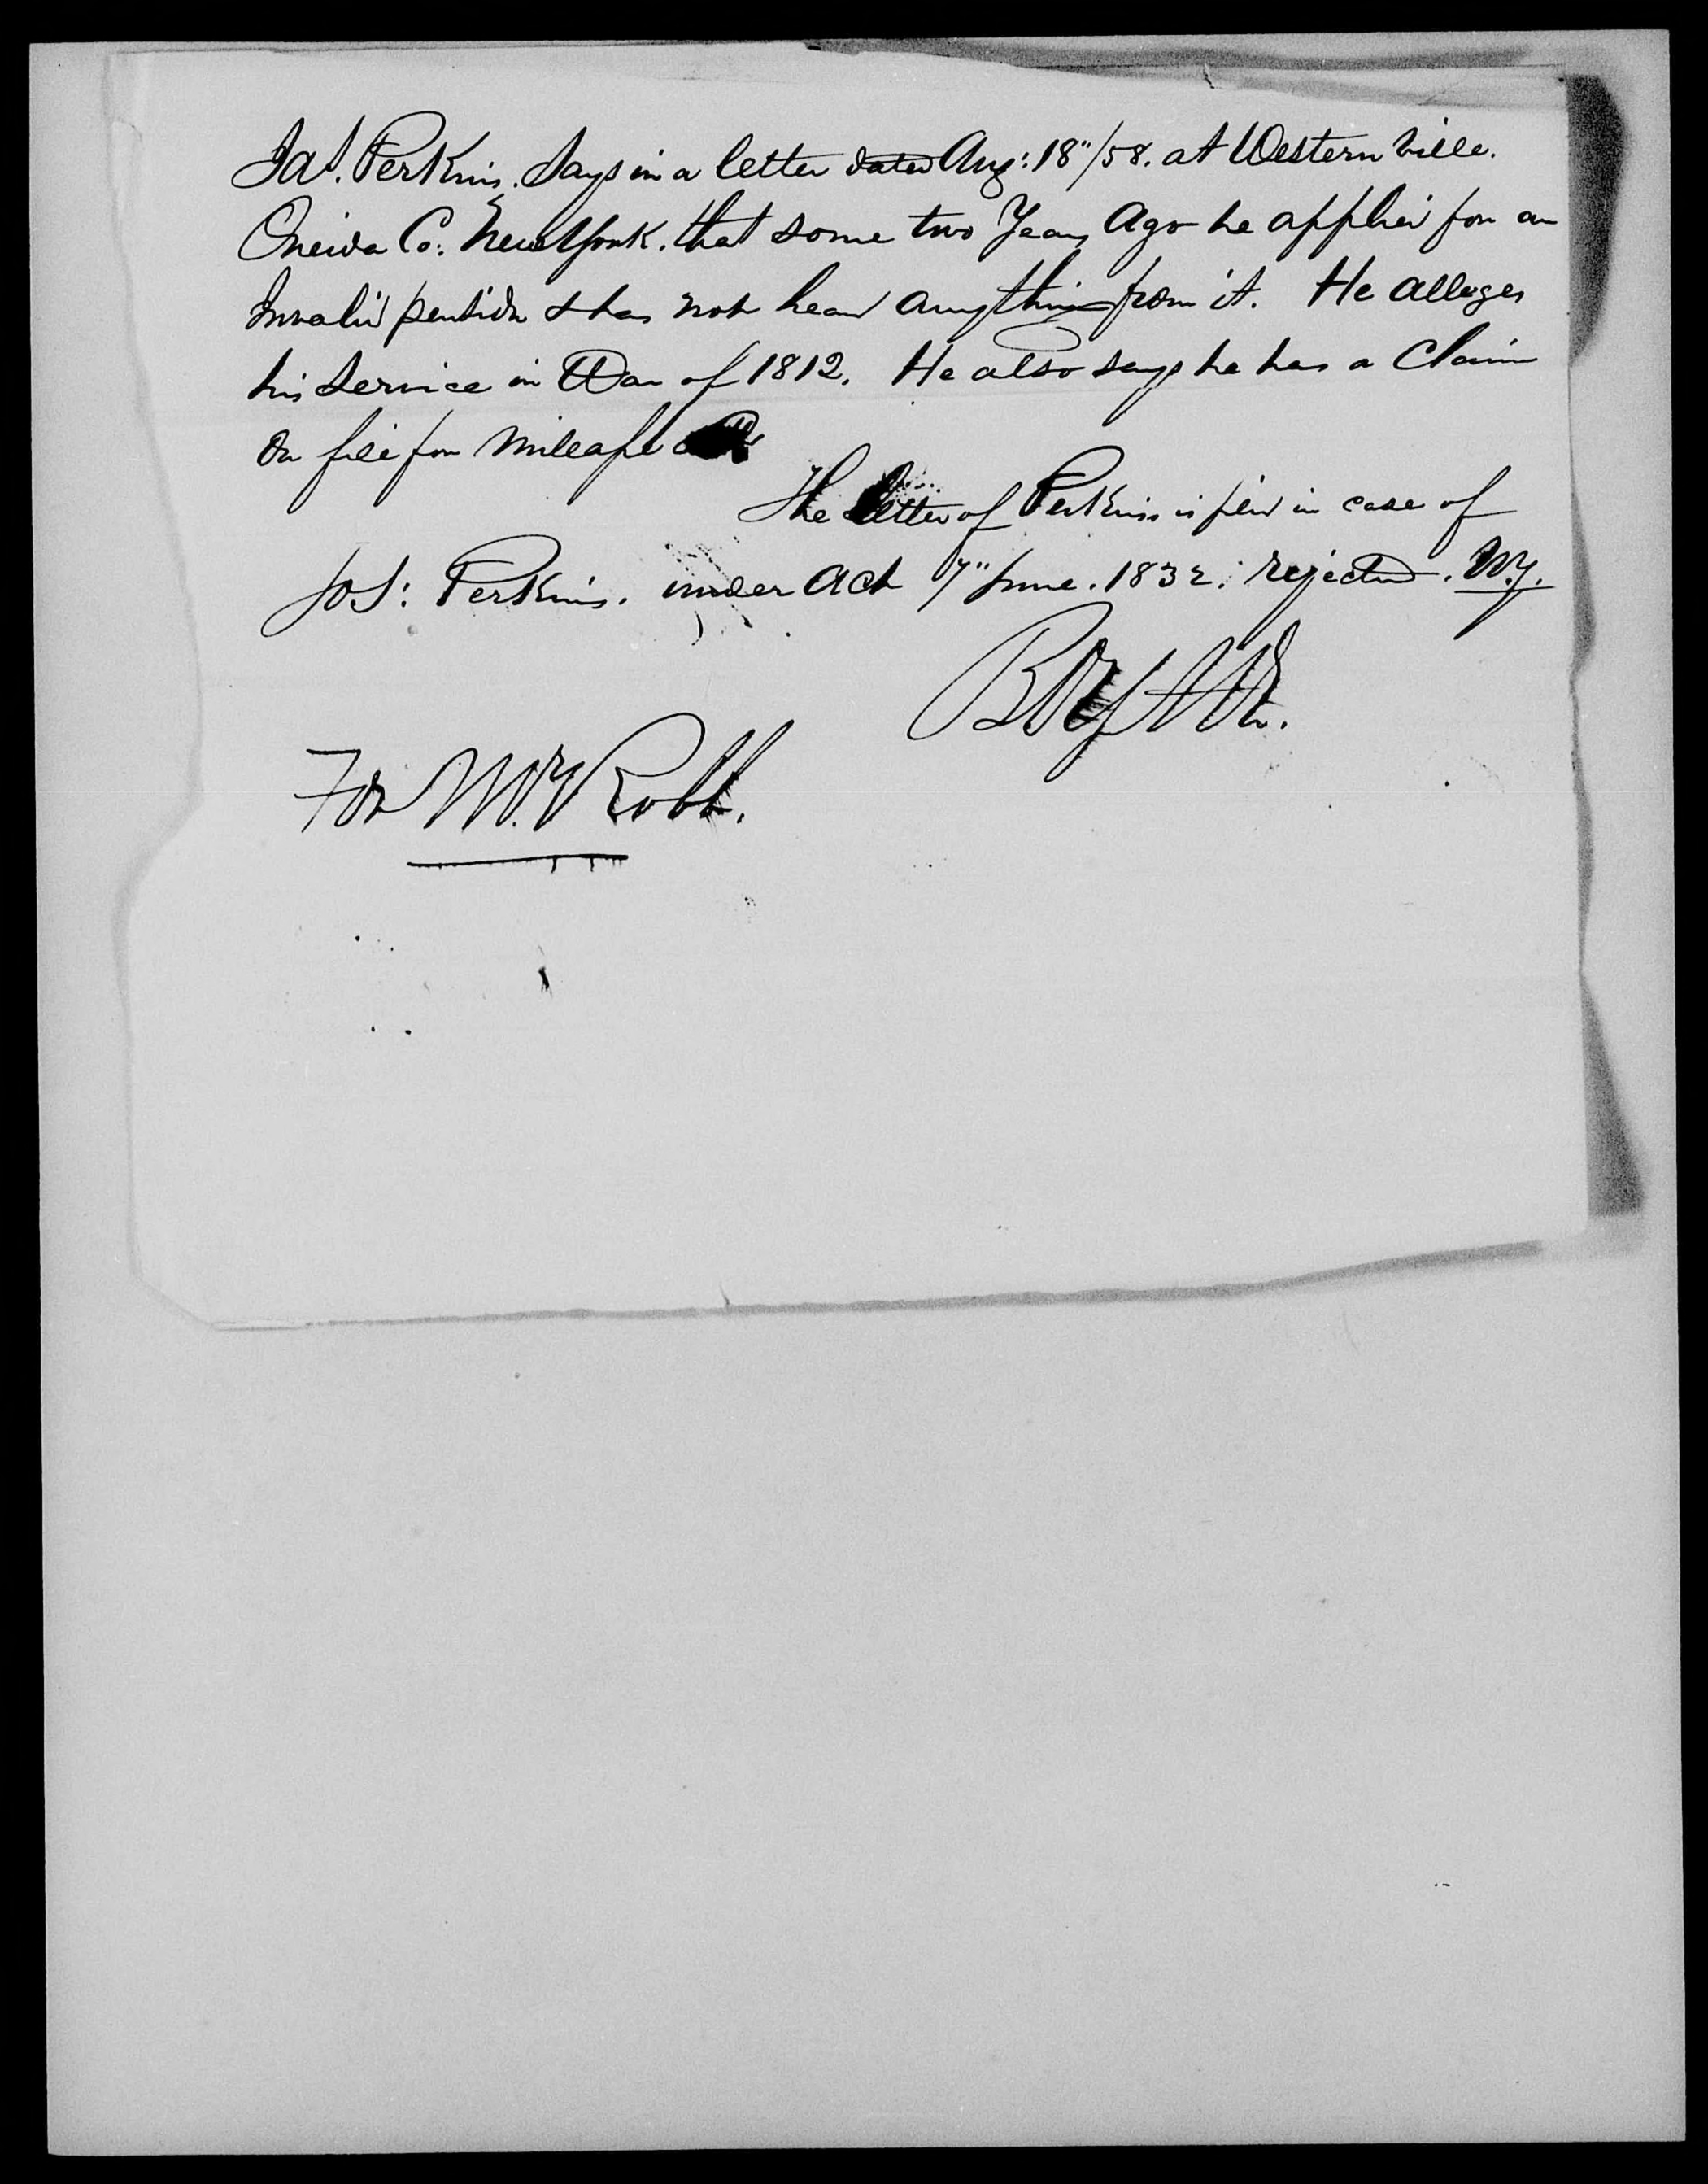Jas. Perkins says in a letter dated Aug. 18”/58 at Western Ville Oneida Co. New York. that some two years ago he applied for an Invalid pension & has not heard anything from it. He alleges his service in War of 1812. He also says he has a claim on fee for mileage
The letter of Perkins is few in case of Jos: Perkins, under act 7” June 1832, rejected, N.Y. 
Boynton
For Mr Robb.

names: Jas Perkins; [BLANK] Robb; [BLANK] Boynton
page: 33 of 44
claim: rejected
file: R. 17,033, for Joseph Perkins, New York